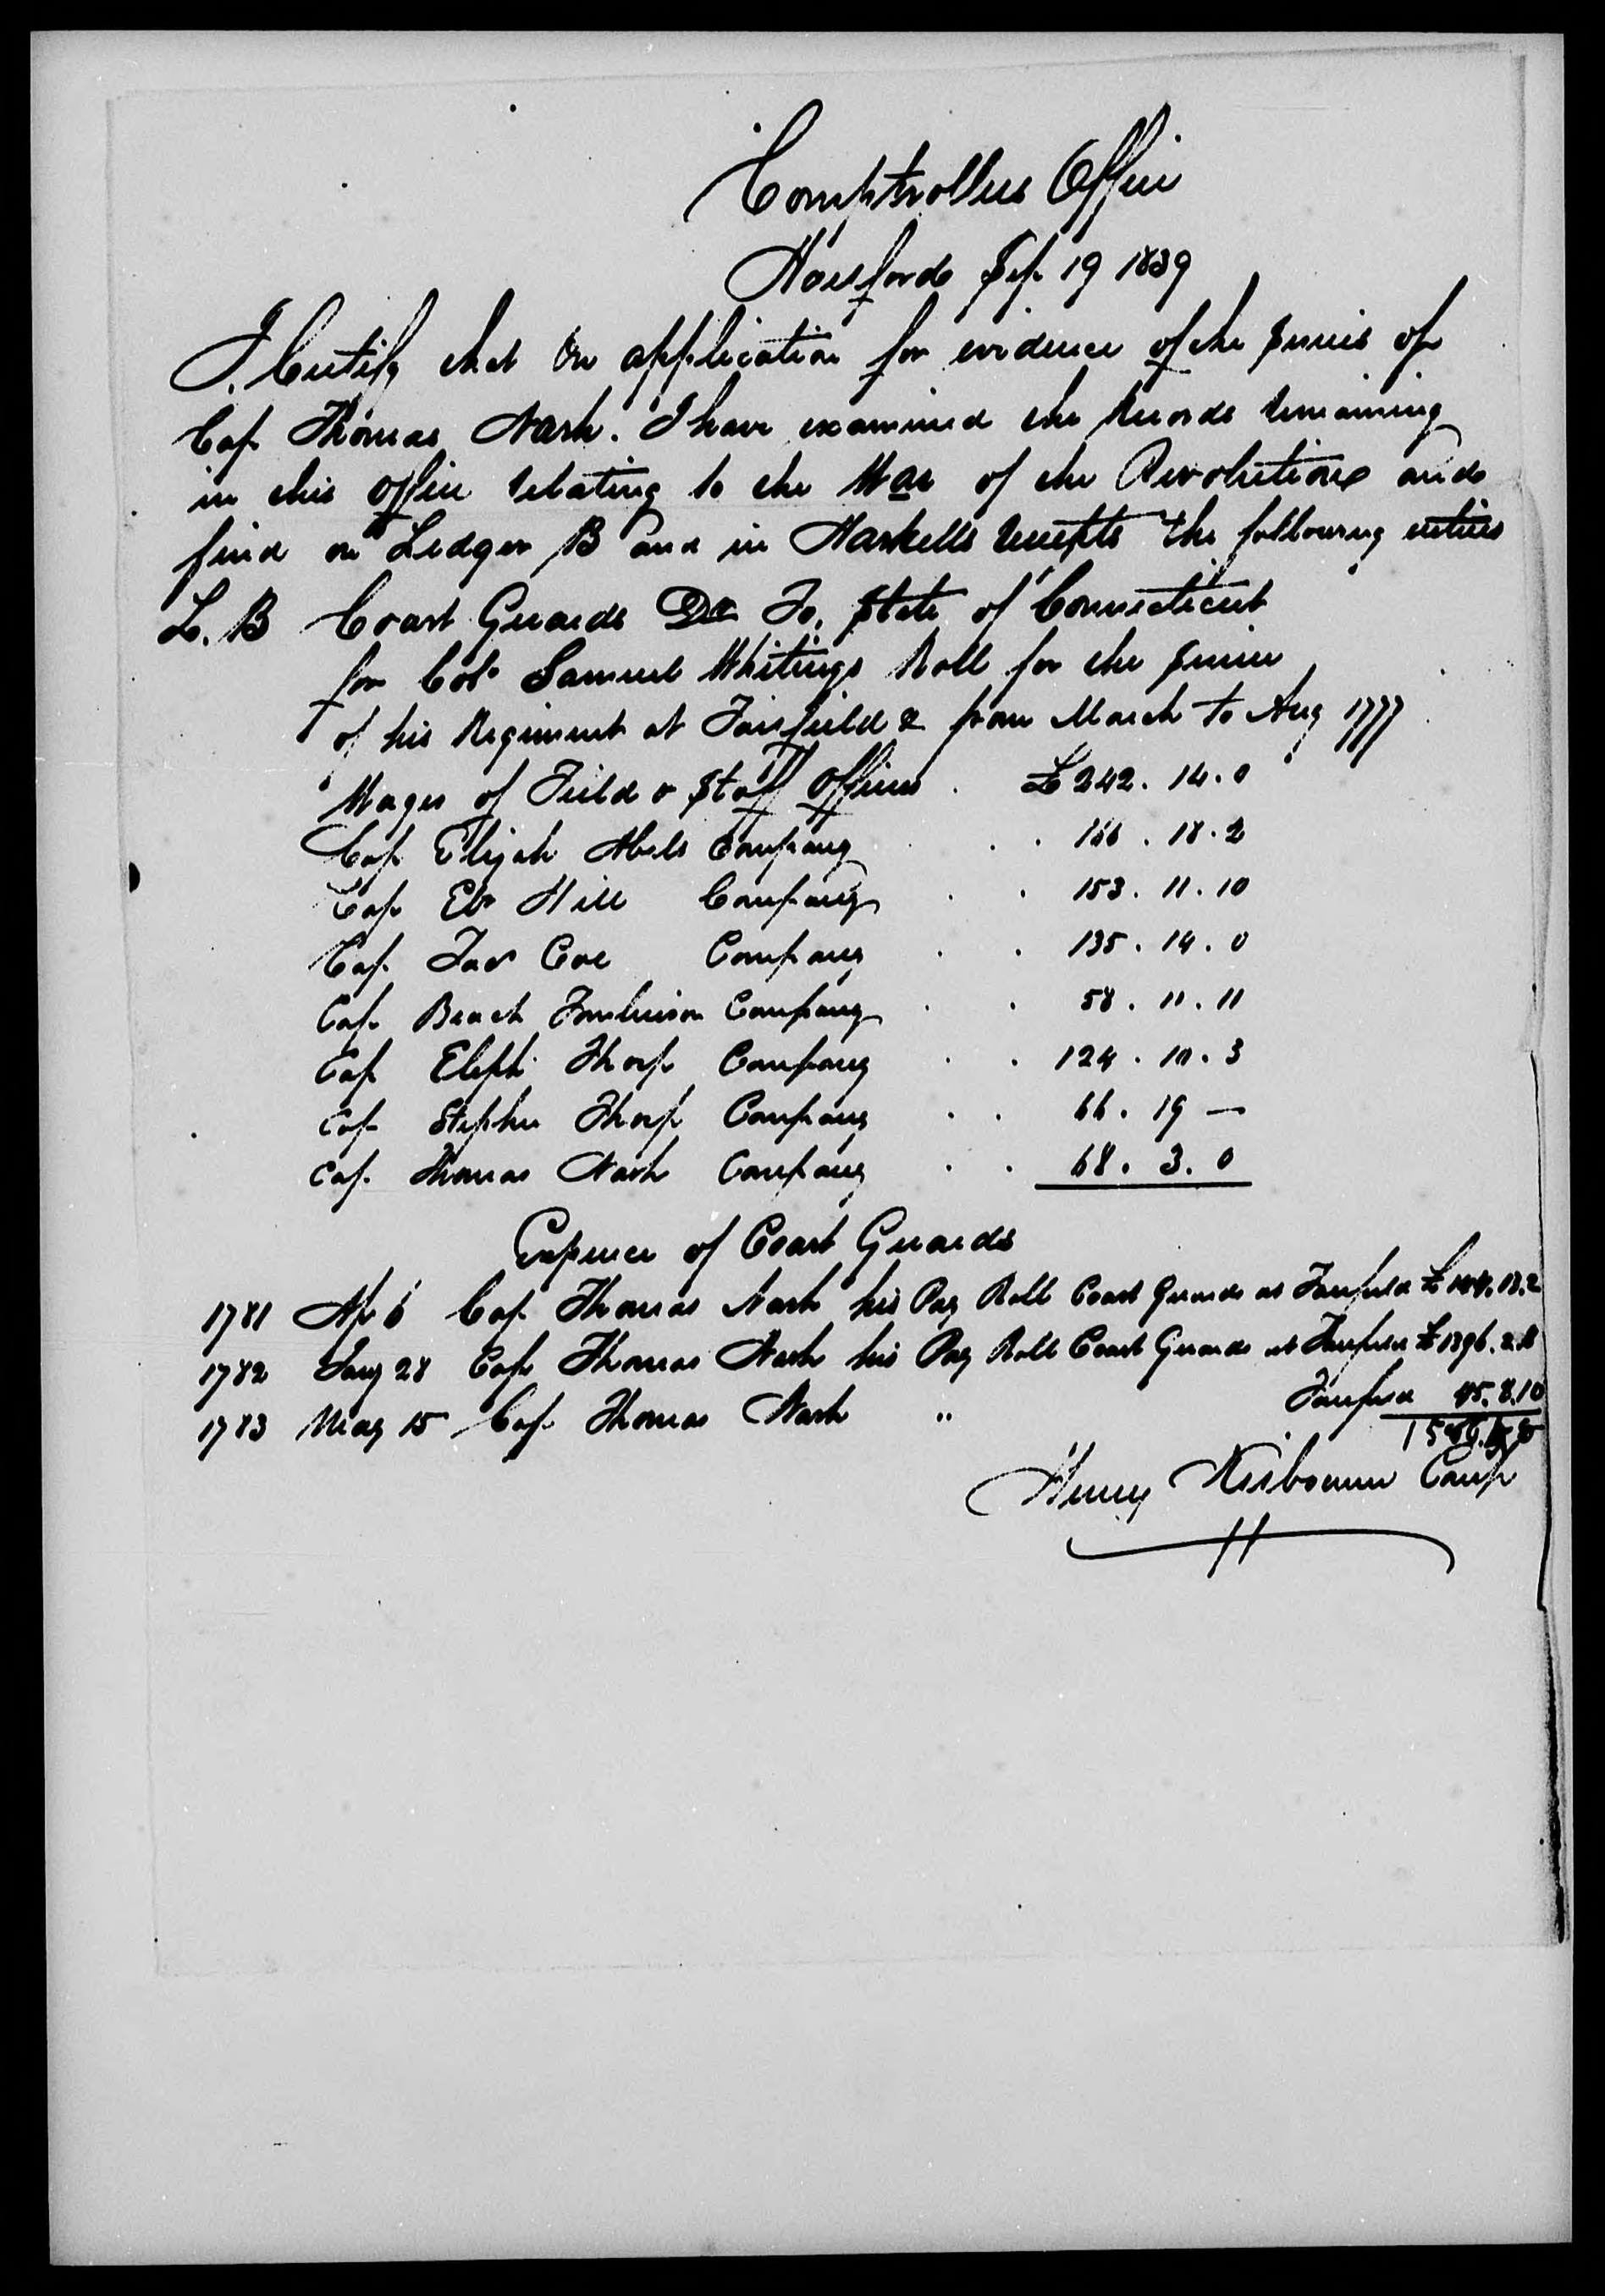Comptrollers Office
Hartford Sep 19 1839
I Certify that on application for evidence of the service of
Cap Thomas Nash I have examined the Records remaining
in this office relating to the War of the Revolution and do
find on Ledger and in Harkells receipts the following entries
L.B. Coast Guards Dec To. State of Connecticut
for Col Samuel Whitings Roll for the service
of his Regiment at Fairfield & from March to Aug 1777
Wages of Field & Staff officers £242.14.0
Cap Elijah Abels Company £146.18.2
Cap Ebz Hill Company £153.11.10
Cap Tar Coe Company £135.14.0
Cap Beach Tomlinson Company £58.11.11
Cap Eliph Thomp Company £124.10.3
Cap Stephen Thorp Company £66.19 -
Cap Thomas Nash Company £68.3.0
Expence of Coast Guards
1781 Apr 6 Cap Thomas Nash his pay roll Coast Guards at Fairfield £144.13.2
1782 Jany 28 Cap Thomas Nash his Pay Roll Coast Guards at Fairfield £1396.2.8
1783 May 15 Cap Thomas Nash " Fairfield £45.8.10
£1586.4.8
Henry Kilbourn Comp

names: Henry Kilbourn, Thomas Nash, Samuel Whiting, Thomas Nash, Thomas Nash, Thomas Nash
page: 19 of 69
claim: widow's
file: W. 25562, Abijah Elwood, Conn.